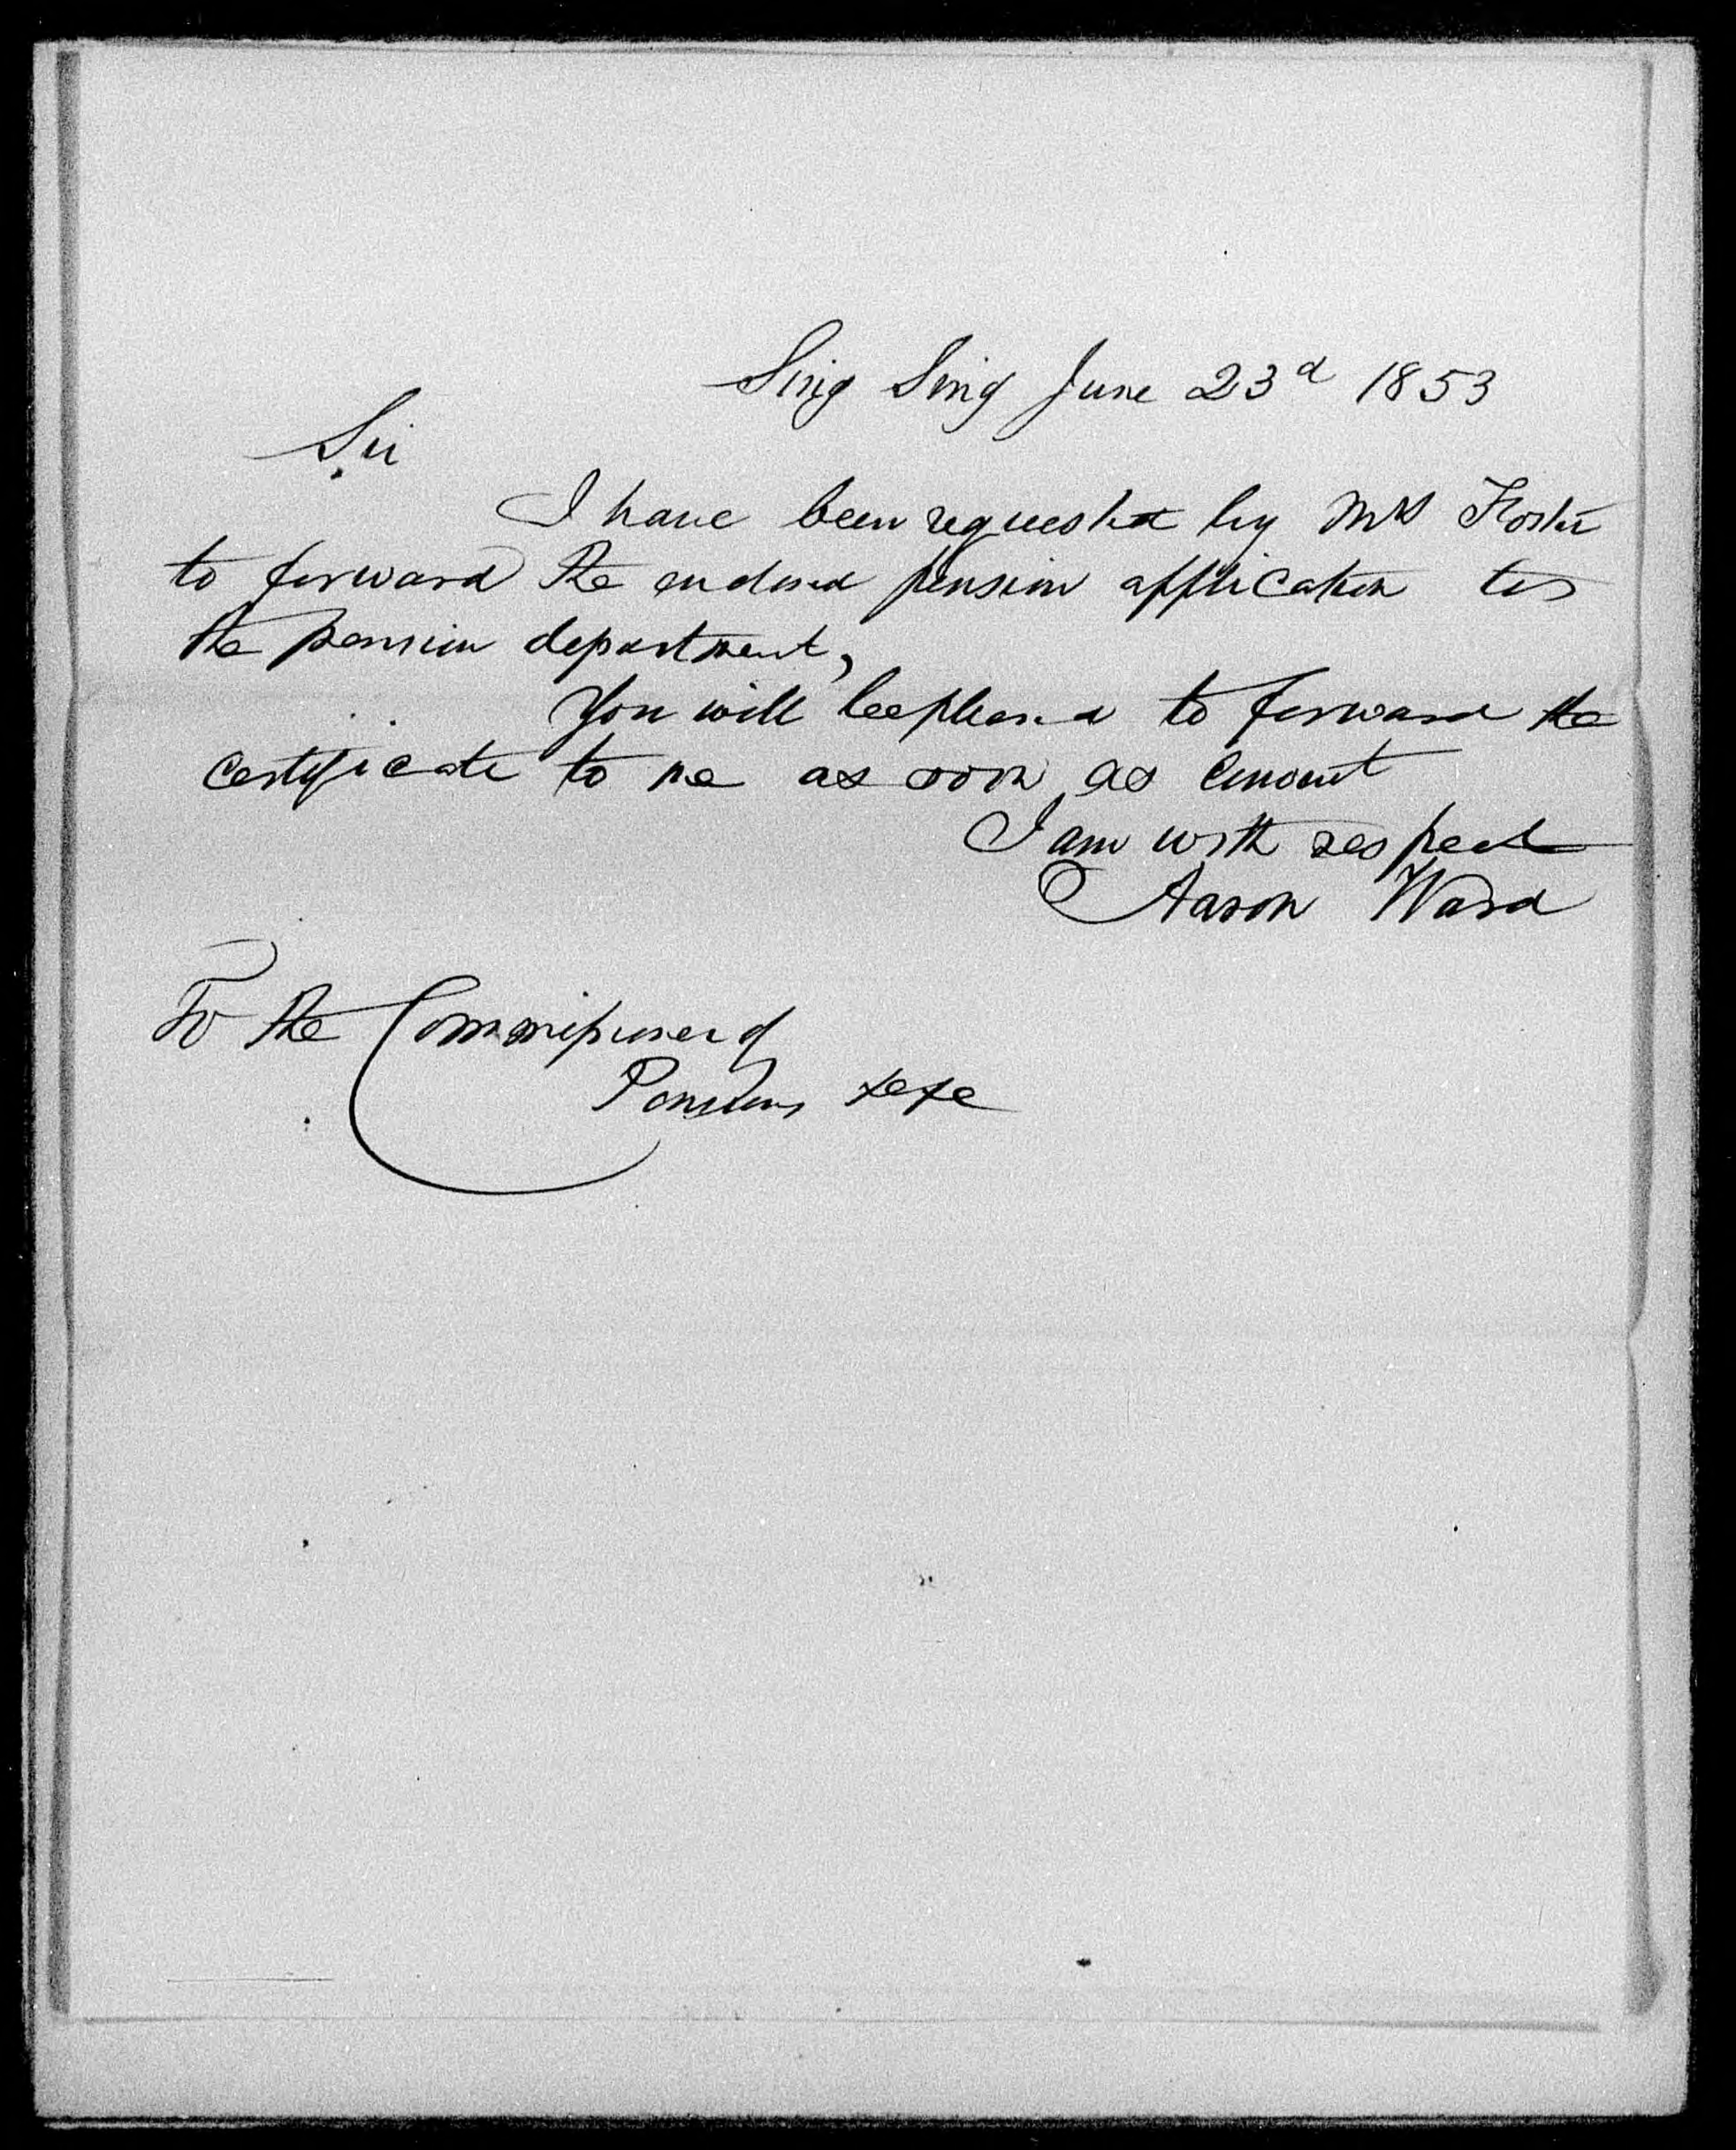Sing Sing June 23d 1853

Sir

I have been requested by Mrs. Foster to forward the endorsed pension application to the pension department.

You will be pleased to forward the certificate to me as soon as ??

I am with respect
Aaron Ward

To the Commissioner of
Pensions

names: Aaron Ward, Foster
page: 41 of 57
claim: widow's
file: W. 5275 1/2, Michael Foster, Penn.